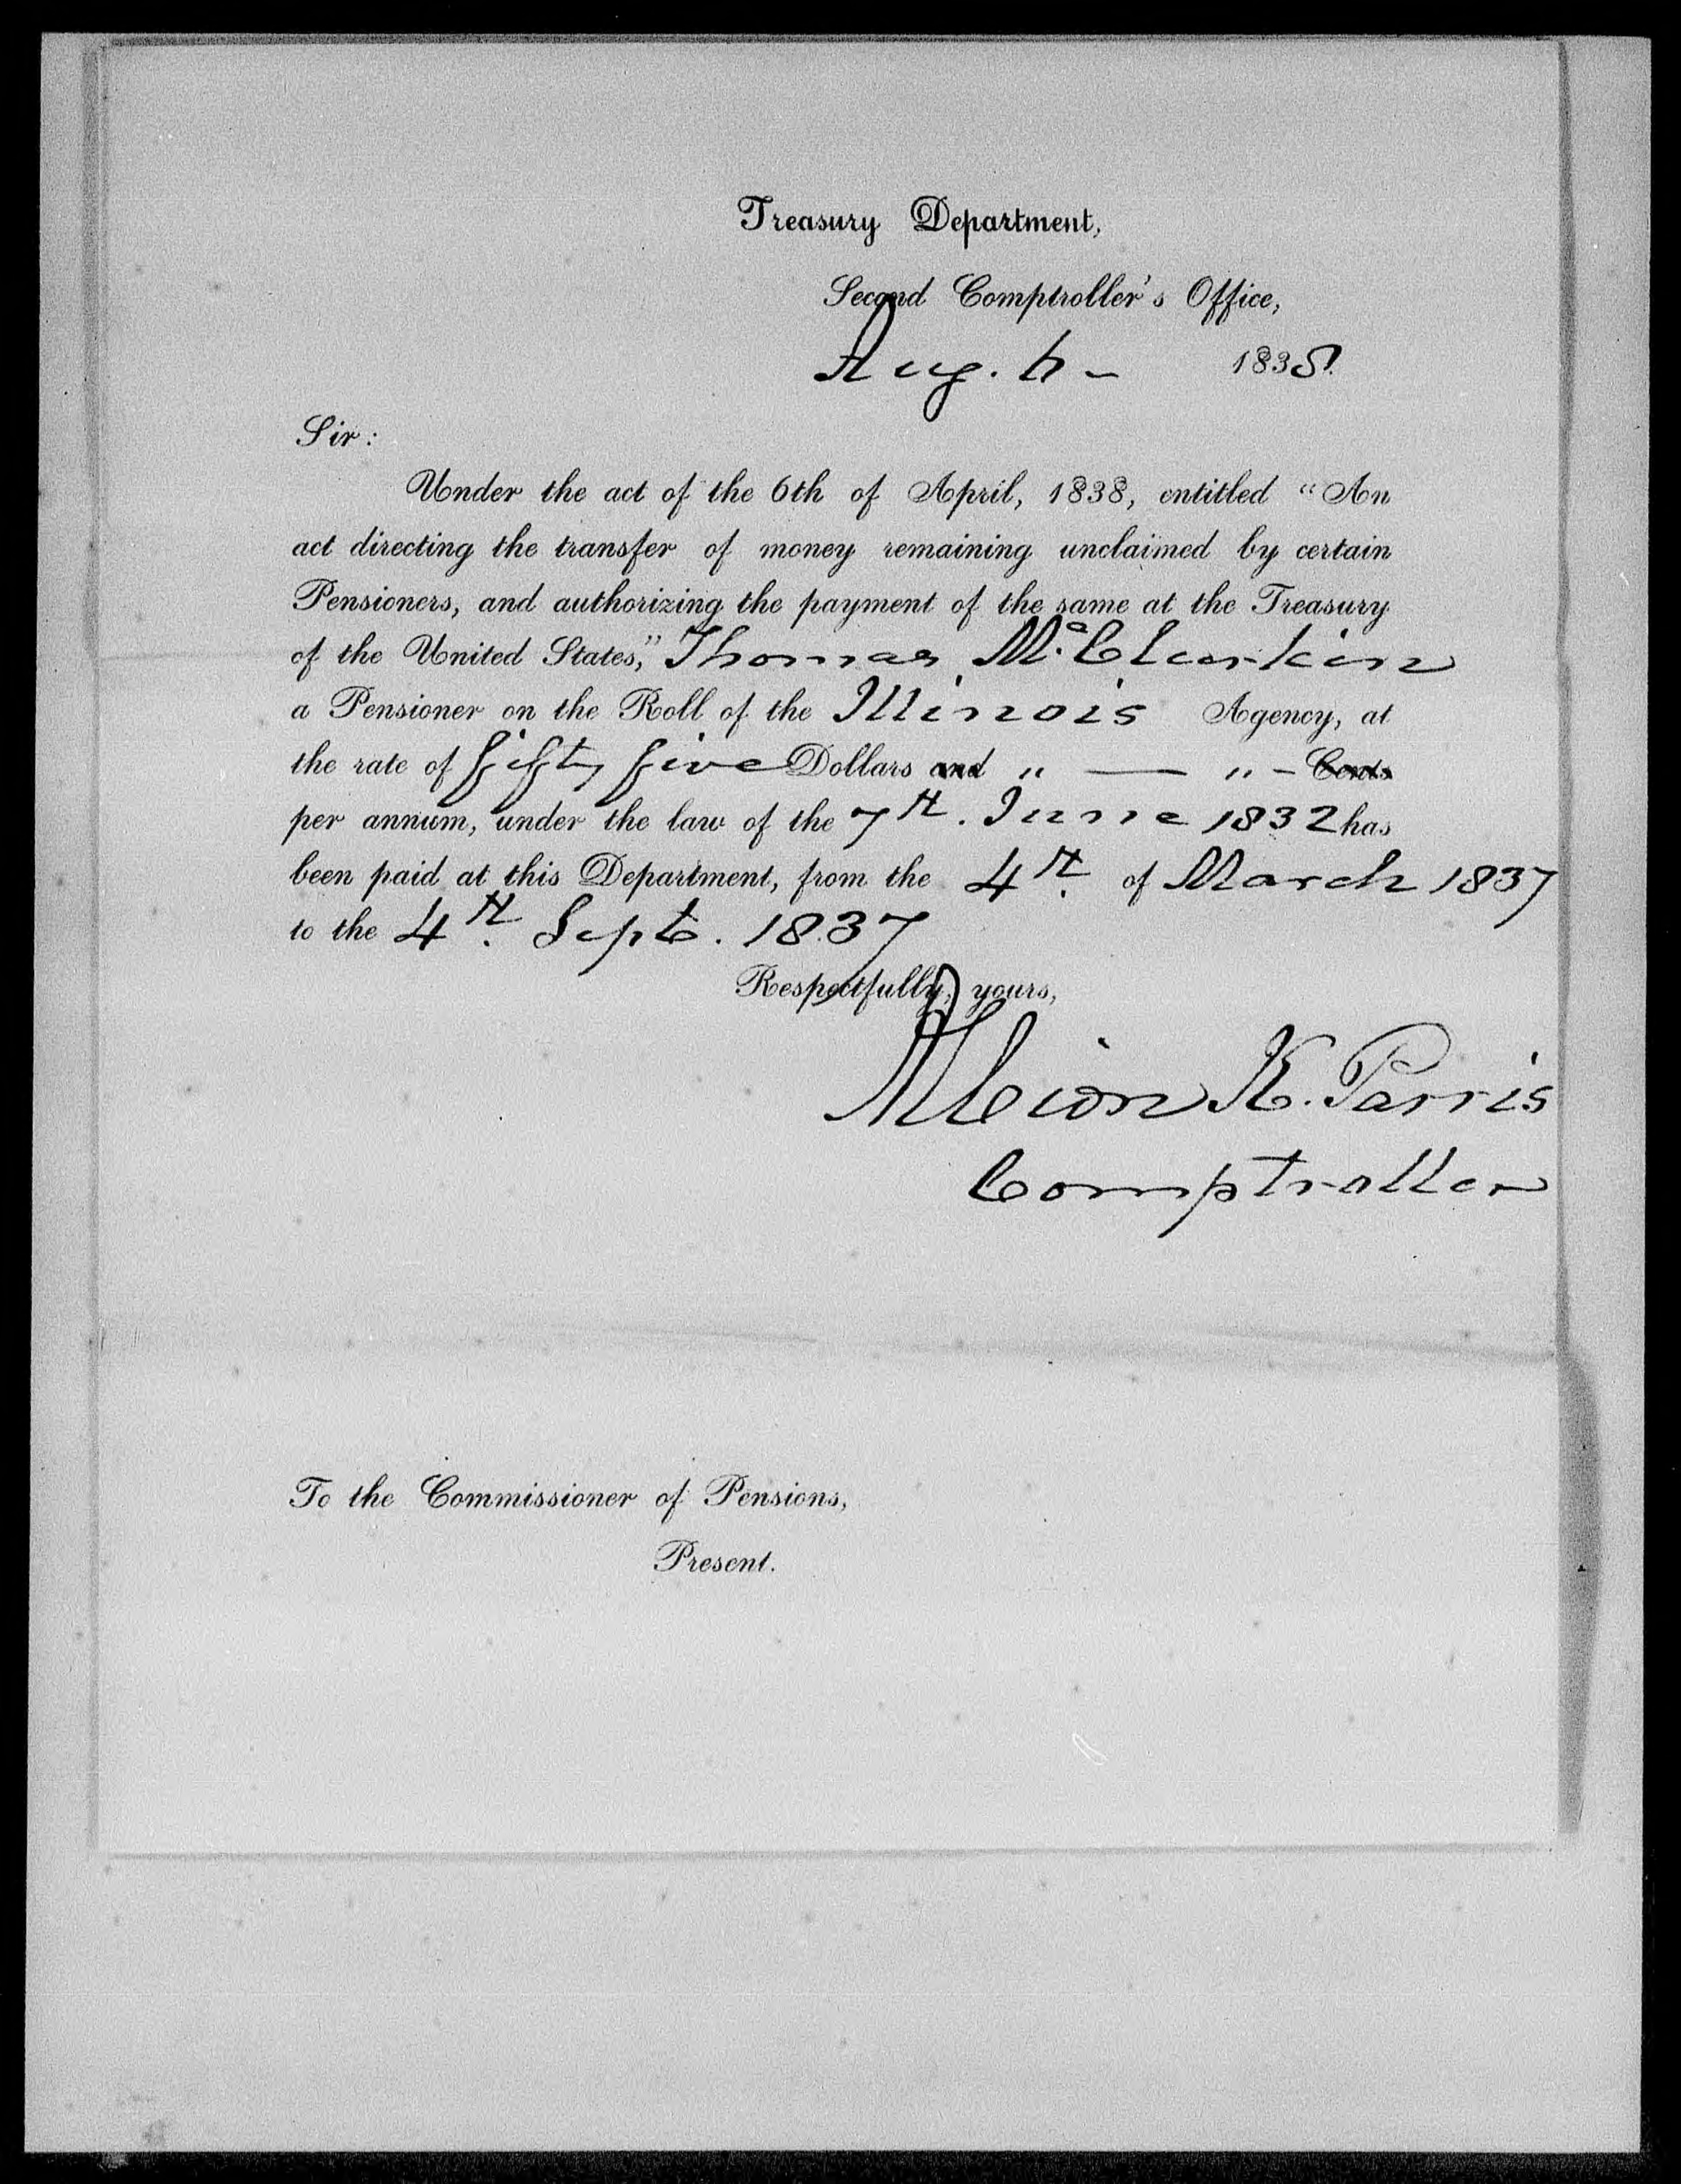Treasury Department, 
Second Comptroller's Office 
Aug. 6- 1835

Sir:
Under the act of the 6th of April, 1838, entitled "An act directing the transfer of money remaining unclaimed by certain Pensioners, and authorizing the payment of the same at the Treasury of the United States," Thomas McClurken, a Pensioner on the Roll of the Illinois Agency, at the rate of fifty five Dollars and "-"- per annum, under the law of the 7th June 1832 has been paid at this Department, from the 4th of March 1837 to the 4th Sept. 1837 

Respectfully yours, 
Allion K. Parris 
Comptroller

To the Commissioner of Pensions,
Present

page: 41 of 93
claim: widow's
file: W. 21792, for Thomas Mc Clurken, South Carolina